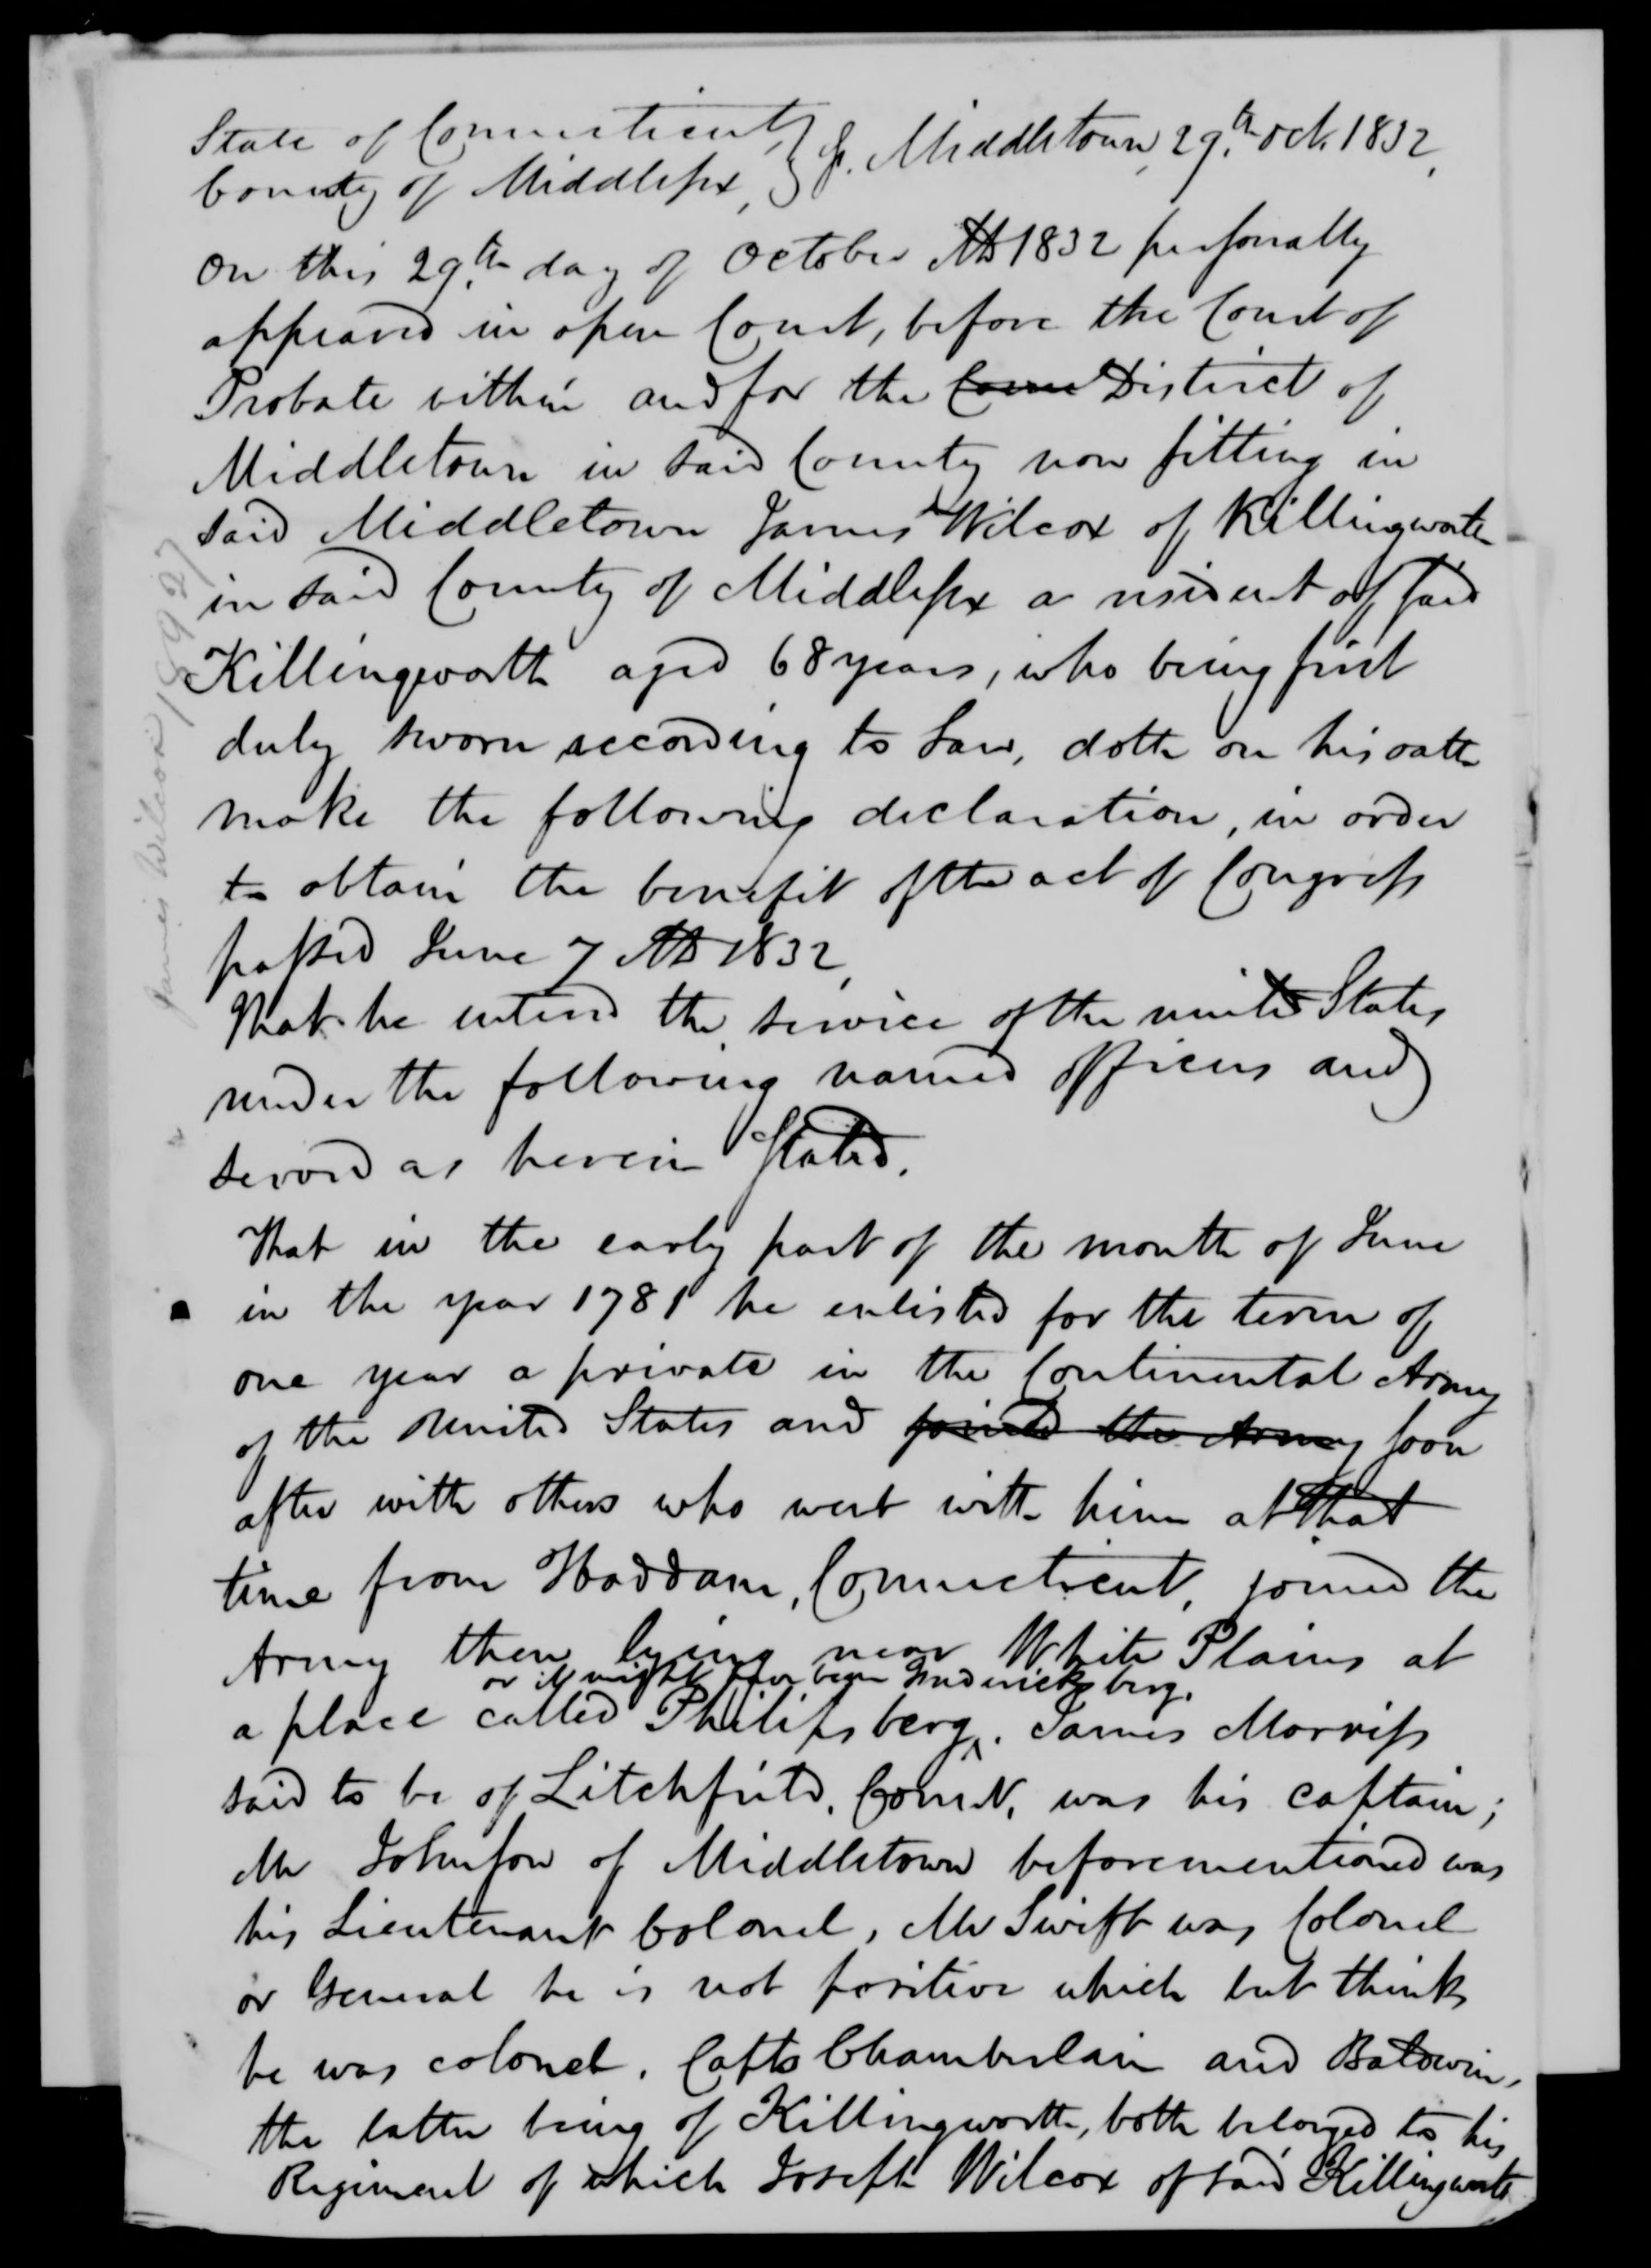State of Connecticut, County of Middlesex, SS 
Middletown, 29th Oct 1832.
On this 29th day of October AD 1832 personally appeared in open Court, before the Court of Probate within and for the District of Middletown in said County now sitting in said Middletown James Wilcox of Killingworth in said County of Middlesex a resident of said Killingworth aged 68 years, who being first duly sworn according to Law, doth on his oath make the following declaration, in order to obtain the benefit of the act of Congress Passed June 7 AD 1832.
That he entered the service of the United States under the following named officers and secord as herein states.
That in the early part of the month of June in the year 1781 he enlisted for the term of one year a private in the Continental Army of the United States and soon after with others who went with him at that time from Haddam, Connecticut, joined the Army then lying near White Plains at a place called Philipsberg or it might have been Hendricksberg.  James Morriss said to be of Litchfield, former, was his captain; Mr Johnson of Middletown before mentioned was his Lieutenant Colonel, Mr Swift was Colonel or General he is not positive which but thinks he was colonel. Capts Chamberlain and Baldwin, the latter being of Killingworth, both belonged to his Regiment of which Joseph Wilcox of said Killingworth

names: James Wilcox, Joseph Wilcox, Swift, James Morriss, Johnson, Chamberlain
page: 17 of 46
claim: widow's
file: W. 18,417, James Willcox, Conn.